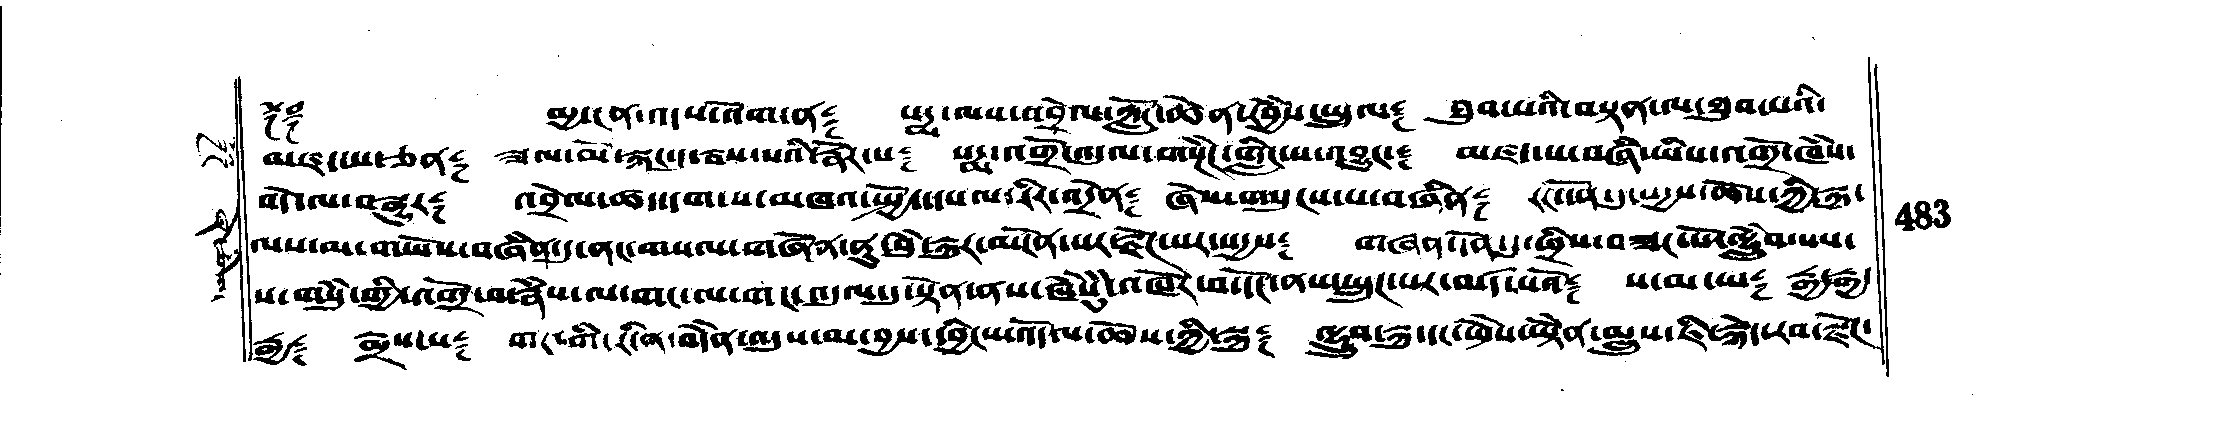མྱ་ངན་འདས་འོག་ན། །པདྨ་ལས་འབྲེལ་ཀློང་ཆེན་རབ་འབྱམས་སྤྲུལ། །ཐུབ་པའི་བསྟན་ལ་ཐུབ་པའི་
མཛད་པ་ཅན། །ཟལ་མོ་སྒང་དུ་སྦས་པའིརྣལ་འབྱོར་པ། །པདྨ་འགྲོ་འདུལ་གསང་སྔགས་གླིང་པ་འབྱུང་། །མཛད་པ་བཞི་ཡིས་འགྲོ་ཁམས་
བདེ་ལ་བསྒྱུར། །འབྲེལ་ཚད་དག་པ་མཁའ་སྤྱོད་དཔལ་རིར་འདྲེན། །ཞེས་གསུངས་པ་བཞིན།རང་དོན་དུ་སངས་རྒྱས་ཆོས་ཀྱི་སྐུ་
ལས་མ་གཡོས་བཞིན་དུ་ནང་གསལ་གཞོན་ནུ་བུམ་སྐུར་མངོན་པར་རྫོགས་པར་སངས་རྒྱས། གཞན་དོན་དུ་ཕྲིན་ལས་བཟང་པོ་ལྷུན་གྲུབ་པས་
ས་གསུམ་གྱི་འགྲོ་བ་རྣམས་ལ་གང་ལ་གང་འདུལ་དུ་སྟོན་ནས་ཁམས་གསུམ་འཁོར་བ་དོང་ནས་སྤྲུགས་པར་མཛད་པའོ། ས་མ་ཡ། རྒྱ་རྒྱ་
རྒྱ། སྨྲས་པ། གང་གི་རང་བཞིན་བདེ་ཆེན་འདུས་མ་བྱས་དབྱིངས་འོད་གསལ་ཆོས་ཀྱི་སྐུ། །ལྷུན་གྲུབ་སྐུ་དང་ཡེ་ཤེས་ཡོན་ཏན་མ་ལུས་ཇི་སྙེད་རབ་རྫོགས་